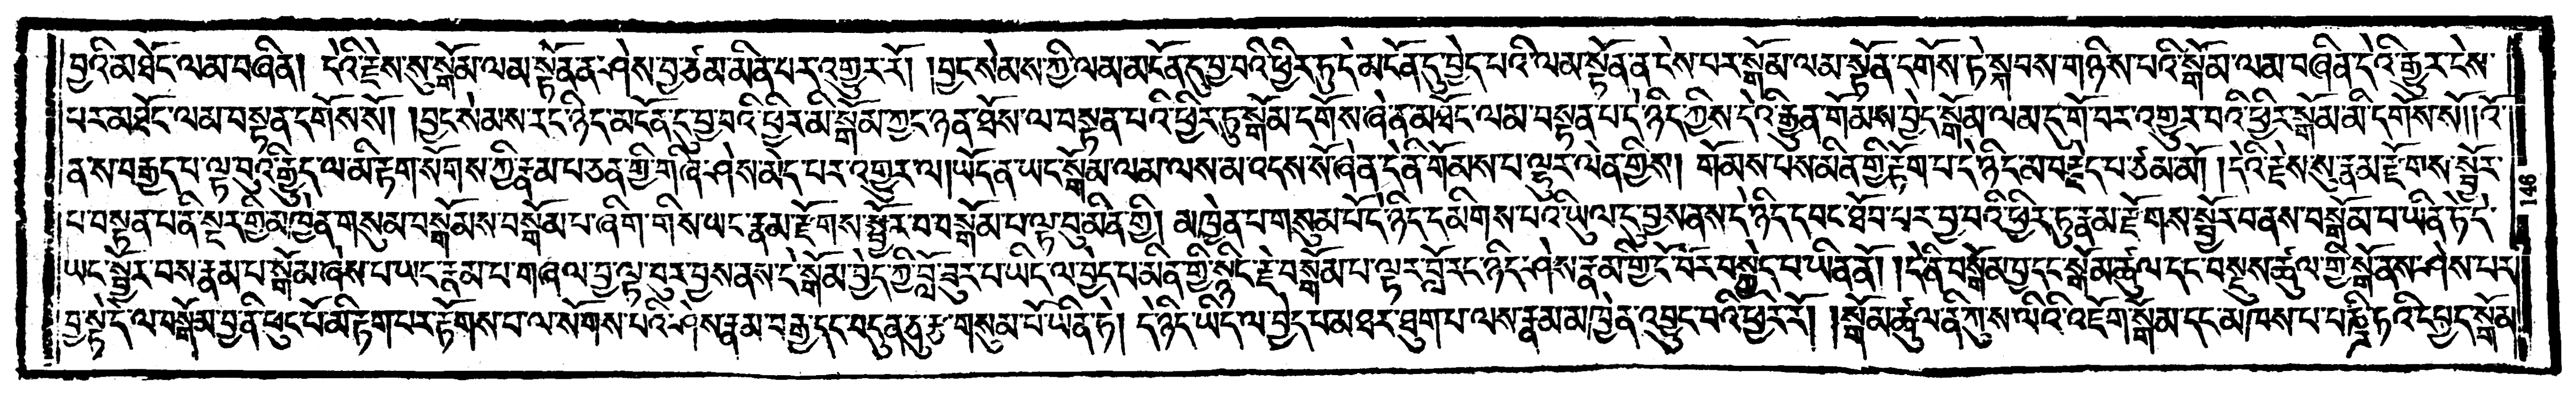བྱའི་མཐོང་ལམ་བཞིན། དེའི་རྗེས་སུ་སྒོམ་ལམ་སྟོན་ན་ཤེས་བྱ་ཙམ་མིན་པར་འགྱུར་རོ། །བྱང་སེམས་ཀྱི་ལམ་མངོན་དུ་བྱ་བའི་ཕྱིར་ཏུ་དེ་མངོན་དུ་བྱེད་པའི་ལམ་སྟོན་ན་ངེས་པར་སྒོམ་ལམ་སྟོན་དགོས་ཏེ་སྐབས་གཉིས་པའི་སྒོམ་ལམ་བཞིན་དེའི་རྒྱུར་ངེས་
པར་མཐོང་ལམ་བསྟན་དགོས་སོ། །བྱང་སེམས་རང་ཉིད་མངོན་དུ་བྱ་བའི་ཕྱིར་མི་སྒོམ་ཀྱང་ཉན་ཐོས་ལ་བསྟན་པའི་ཕྱིར་ཏུ་སྒོམ་དགོས་ཞེ་ན་མཐོང་ལམ་བསྟན་པ་དེ་ཉིད་ཀྱིས་དེའི་རྒྱུན་གོམས་བྱེད་སྒོམ་ལམ་དུ་གོ་བར་འགྱུར་བའི་ཕྱིར་སྒོམ་མི་དགོས་སོ། །འོ་
ན་ས་བརྒྱད་པ་ལྟ་བུའི་རྒྱུད་ལ་མི་རྟག་སོགས་ཀྱི་རྣམ་པ་ཅན་གྱི་གཞི་ཤེས་མེད་པར་འགྱུར་ལ། ཡོད་ན་ཡང་སྒོམ་ལམ་ལས་མ་འདས་སོ་ཞེ་ན་དེ་ནི་གོམས་པ་ལྷུར་ལེན་གྱིས། གོམས་པས་མིན་གྱི་རྟོག་པ་དེ་ཉིད་མ་བརྗེད་པ་ཙམ་མོ། །དེའི་རྗེས་སུ་རྣམ་རྫོགས་སྦྱོར་
པ་བསྟན་པ་ནི་སྔར་གྱི་མཁྱེན་གསུམ་བསྒོམས་བསྒོམ་པ་ཞིག་གིས་ཡང་རྣམ་རྫོགས་སྦྱོར་བ་བསྒོམ་པ་ལྟ་བུ་མིན་གྱི། མཁྱེན་པ་གསུམ་པོ་དེ་ཉིད་དམིགས་པའི་ཡུལ་དུ་བྱས་ནས་དེ་ཉིད་དབང་ཐོབ་པར་བྱ་བའི་ཕྱིར་ཏུ་རྣམ་རྫོགས་སྦྱོར་བ་ནས་བསྒོམ་པ་ཡིན་ཏེ་དེ་
ཡང་སྦྱོར་བས་རྣམ་པ་སྒོམ་ཞེས་པ་ཡང་རྣམ་པ་གཞལ་བྱ་ལྟ་བུར་བྱས་ནས་དེ་སྒོམ་བྱེད་ཀྱི་བློ་ཟུར་པ་ཡིད་ལ་བྱེད་པ་མིན་གྱི་སྙིང་རྗེ་བསྒོམ་པ་ལྟར་བློ་རང་ཉིད་ཤེས་རྣམ་ཀྱི་ངོ་བོར་བསྐྱེད་པ་ཡིན་ནོ། །དེ་ནི་བསྒོམ་བྱ་དང་སྒོམ་ཚུལ་དང་བསྡུས་ཚུལ་གྱི་སྒོ་ནས་ཤེས་པར་
བྱ་སྟེ་དེ་ལ་བསྒོམ་བྱ་ནི་ཕུང་པོ་མི་རྟག་པར་རྟོགས་པ་ལ་སོགས་པའི་ཤེས་རྣམ་བརྒྱ་དང་བདུན་ཅུ་རྩ་གསུམ་པོ་ཡིན་ཏེ། དེ་ཉིད་ཡིད་ལ་བྱེད་པ་མཐར་ཐུག་པ་ལས་རྣམ་མཁྱེན་འབྱུང་བའི་ཕྱིར་རོ། །སྒོམ་ཚུལ་ནི་ཀུ་ས་ལིའི་འཇོག་སྒོམ་དང་མཁས་པ་པཎྜི་ཏའི་དཔྱད་སྒོམ་